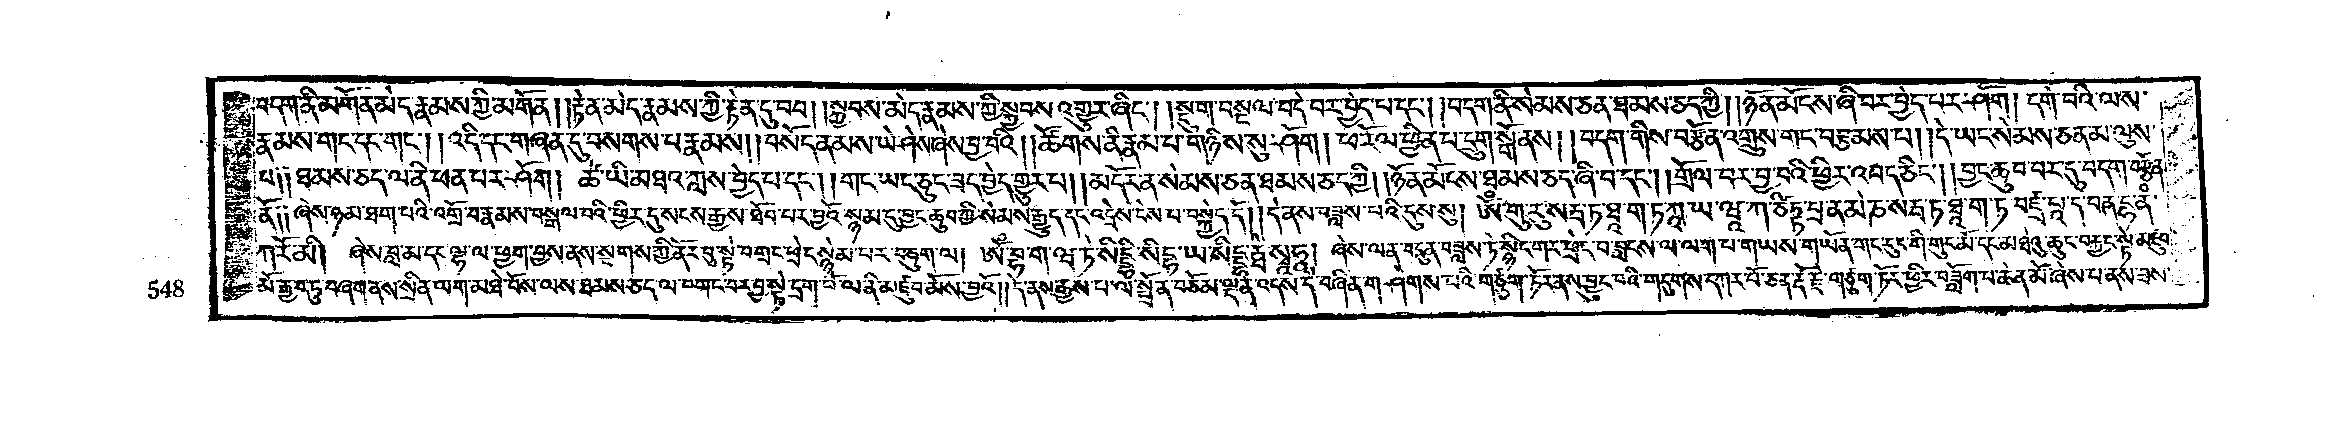བདག་ནི་མགོན་མེད་རྣམས་ཀྱི་མགོན། །རྟེན་མེད་རྣམས་ཀྱི་རྟེན་དུ་བབ། །སྐྱབས་མེད་རྣམས་ཀྱི་སྐྱབས་འགྱུར་ཞིང་། །སྡུག་བསྔལ་བདེ་བར་བྱེད་པ་དང་། །བདག་ནི་སེམས་ཅན་ཐམས་ཅད་ཀྱི། །ཉོན་མོངས་ཞི་བར་བྱེད་པར་ཤོག །དགེ་བའི་ལས་
རྣམས་གང་དང་གང་། །འདི་དང་གཞན་དུ་བསགས་པ་རྣམས། །བསོད་ནམས་ཡེ་ཤེས་ཞེས་བྱ་བའི། །ཚོགས་ནི་རྣམ་པ་གཉིས་སུ་ཤོག །ཕ་རོལ་ཕྱིན་པ་དྲུག་སྒོ་ནས། །བདག་གིས་བརྩོན་འགྲུས་གང་བརྩམས་པ། །དེ་ཡང་སེམས་ཅན་མ་ལུས་
པ༑ ༑ཐམས་ཅད་ལ་ནི་ཕན་པར་ཤོག །ཚེ་ཡི་མཐའ་ཀླས་བྱེད་པ་དང་། །གང་ཡང་ཅུང་ཟད་བྱེད་གྱུར་པ། །མདོར་ན་སེམས་ཅན་ཐམས་ཅད་ཀྱི། །ཉོན་མོངས་ཐམས་ཅད་ཞི་བ་དང་། །གྲོལ་བར་བྱ་བའི་ཕྱིར་འབད་ཅིང་། །བྱང་ཆུབ་བར་དུ་བདག་བརྩོན་
ནོ༑ ༑ཞེས་ཉམ་ཐག་པའི་འགྲོ་བ་རྣམས་བསྒྲལ་བའི་ཕྱིར་དུ་སངས་རྒྱས་ཐོབ་པར་བྱའོ་སྙམ་དུ་བྱང་ཆུབ་ཀྱི་སེམས་རྒྱུད་དང་འདྲེས་ངེས་པ་བསྐྱེད་དོ། །དེ་ནས་བཟླས་པའི་དུས་སུ། ཨོཾ་གུ་རུ་སརྦ་ཏ་ཐཱ་ག་ཏ་ཡ་ཝཱ་ཀ་ཙིཏྟ་པྲ་ན་མེ་ཎ་སརྦ་ཏ་ཐཱ་ག་ཏ་བཛྲ་པཱ་ད་བན་དྷ་ནཾ་
ཀ་རོ་མི། ཞེས་བླ་མ་དང་ལྷ་ལ་བྱས་ནས་སྔགས་ཀྱི་ནོར་བུ་སྟེ་བགྲང་ཕྲེང་སྙེམ་པར་བཅུག་ལ། ཨོཾ་བྷ་ག་ཝ་ཏེ་སིདྡྷི་སིདྷ་ཡ་སིདྡྷ་རྠེ་སྭཱཧཱ། ཞེས་ལན་བདུན་བཟླས་ཏེ་སྙིང་གར་ཕྲེང་བ་བླངས་ལ་ལག་པ་གཡས་གཡོན་གང་རུང་གི་གུང་མོ་དང་མཐེའུ་ཆུང་བརྐྱང་སྟེ་མཛུབ་
མོ་རྒྱབ་ཏུ་བཞག་ནས་སྲིན་ལག་མཐེ་བོས་ལས་ཐམས་ཅད་ལ་བགང་བར་བྱ་སྟེ་དྲག་པོ་ལ་ནི་མཛུབ་མོས་བྱའོ། །དེ་ནས་རྒྱས་པ་ལ་སྤྲོན་བཅོམ་ལྡན་འདས་དེ་བཞིན་གཤེགས་པའི་གཙུག་ཏོར་ནས་བྱུང་བའི་གདུགས་དཀར་པོ་ཅན་རྡོ་རྗེ་གཙུག་ཏོར་ཕྱིར་བཟློག་པ་ཆེན་མོ་ཞེས་པ་ནས་ཟས་